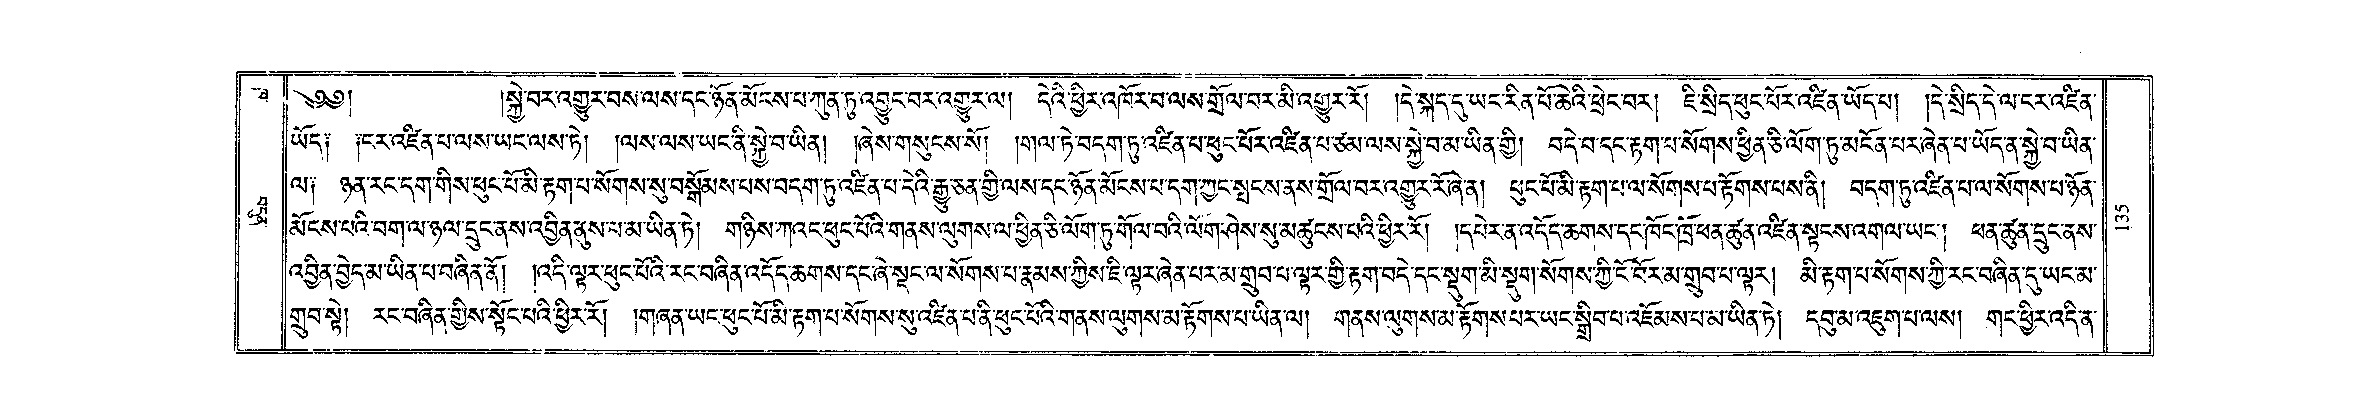༄༅། །སྐྱེ་བར་འགྱུར་བས་ལས་དང་ཉོན་མོངས་པ་ཀུན་ཏུ་འབྱུང་བར་འགྱུར་ལ། དེའི་ཕྱིར་འཁོར་བ་ལས་གྲོལ་བར་མི་འགྱུར་རོ། །དེ་སྐད་དུ་ཡང་རིན་པོ་ཆེའི་ཕྲེང་བར། ཇི་སྲིད་ཕུང་པོར་འཛིན་ཡོད་པ། །དེ་སྲིད་དེ་ལ་ངར་འཛིན་
ཡོད༑ ༑ངར་འཛིན་པ་ལས་ཡང་ལས་ཏེ། །ལས་ལས་ཡང་ནི་སྐྱེ་བ་ཡིན། །ཞེས་གསུངས་སོ། །གལ་ཏེ་བདག་ཏུ་འཛིན་པ་ཕུང་པོར་འཛིན་པ་ཙམ་ལས་སྐྱེ་བ་མ་ཡིན་གྱི། བདེ་བ་དང་རྟག་པ་སོགས་ཕྱིན་ཅི་ལོག་ཏུ་མངོན་པར་ཞེན་པ་ཡོད་ན་སྐྱེ་བ་ཡིན་
ལ༑ ཉན་རང་དག་གིས་ཕུང་པོ་མི་རྟག་པ་སོགས་སུ་བསྒོམས་པས་བདག་ཏུ་འཛིན་པ་དེའི་རྒྱུ་ཅན་གྱི་ལས་དང་ཉོན་མོངས་པ་དག་ཀྱང་སྤངས་ནས་གྲོལ་བར་འགྱུར་རོ་ཞེ་ན། ཕུང་པོ་མི་རྟག་པ་ལ་སོགས་པ་རྟོགས་པས་ནི། བདག་ཏུ་འཛིན་པ་ལ་སོགས་པ་ཉོན་
མོངས་པའི་བག་ལ་ཉལ་དྲུང་ནས་འབྱིན་ནུས་པ་མ་ཡིན་ཏེ། གཉིས་ཀའང་ཕུང་པོའི་གནས་ལུགས་ལ་ཕྱིན་ཅི་ལོག་ཏུ་གོལ་བའི་ལོག་ཤེས་སུ་མཚུངས་པའི་ཕྱིར་རོ། །དཔེར་ན་འདོད་ཆགས་དང་ཁོང་ཁྲོ་ཕན་ཚུན་འཛིན་སྟངས་འགལ་ཡང་། ཕན་ཚུན་དྲུང་ནས་
འབྱིན་བྱེད་མ་ཡིན་པ་བཞིན་ནོ། །འདི་ལྟར་ཕུང་པོའི་རང་བཞིན་འདོད་ཆགས་དང་ཞེ་སྡང་ལ་སོགས་པ་རྣམས་ཀྱིས་ཇི་ལྟར་ཞེན་པར་མ་གྲུབ་པ་ལྟར་གྱི་རྟག་བདེ་དང་སྡུག་མི་སྡུག་སོགས་ཀྱི་ངོ་བོར་མ་གྲུབ་པ་ལྟར། མི་རྟག་པ་སོགས་ཀྱི་རང་བཞིན་དུ་ཡང་མ་
གྲུབ་སྟེ། རང་བཞིན་གྱིས་སྟོང་པའི་ཕྱིར་རོ། །གཞན་ཡང་ཕུང་པོ་མི་རྟག་པ་སོགས་སུ་འཛིན་པ་ནི་ཕུང་པོའི་གནས་ལུགས་མ་རྟོགས་པ་ཡིན་ལ། གནས་ལུགས་མ་རྟོགས་པར་ཡང་སྒྲིབ་པ་འཇོམས་པ་མ་ཡིན་ཏེ། དབུ་མ་འཇུག་པ་ལས། གང་ཕྱིར་འདི་ན་